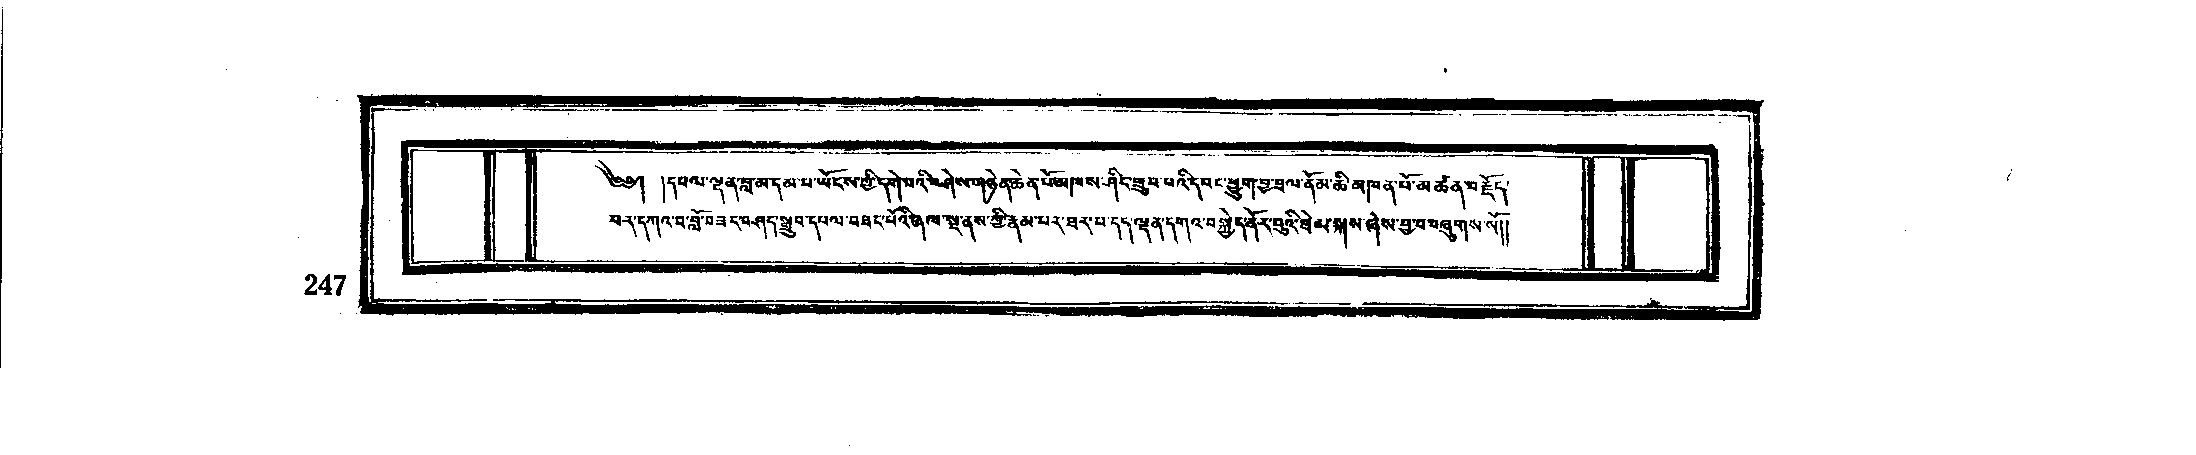༄༅། །དཔལ་ལྡན་བླ་མ་དམ་པ་ཡོངས་ཀྱི་དགེ་བའི་བཤེས་གཉེན་ཆེན་པོ་མཁས་ཤིང་གྲུབ་པའི་དབང་ཕྱུག་བྱ་བྲལ་ནོམ་ཆི་མཁན་པོ་མཚན་བརྗོད་
པར་དཀའ་བ་བློ་བཟང་བཤད་སྒྲུབ་དཔལ་བཟང་པོའི་ཞལ་སྔ་ནས་ཀྱི་རྣམ་པར་ཐར་པ་དད་ལྡན་དགའ་བསྐྱེད་ནོར་བུའི་ཐེམ་སྐས་ཞེས་བྱ་བ་བཞུགས་སོ།།